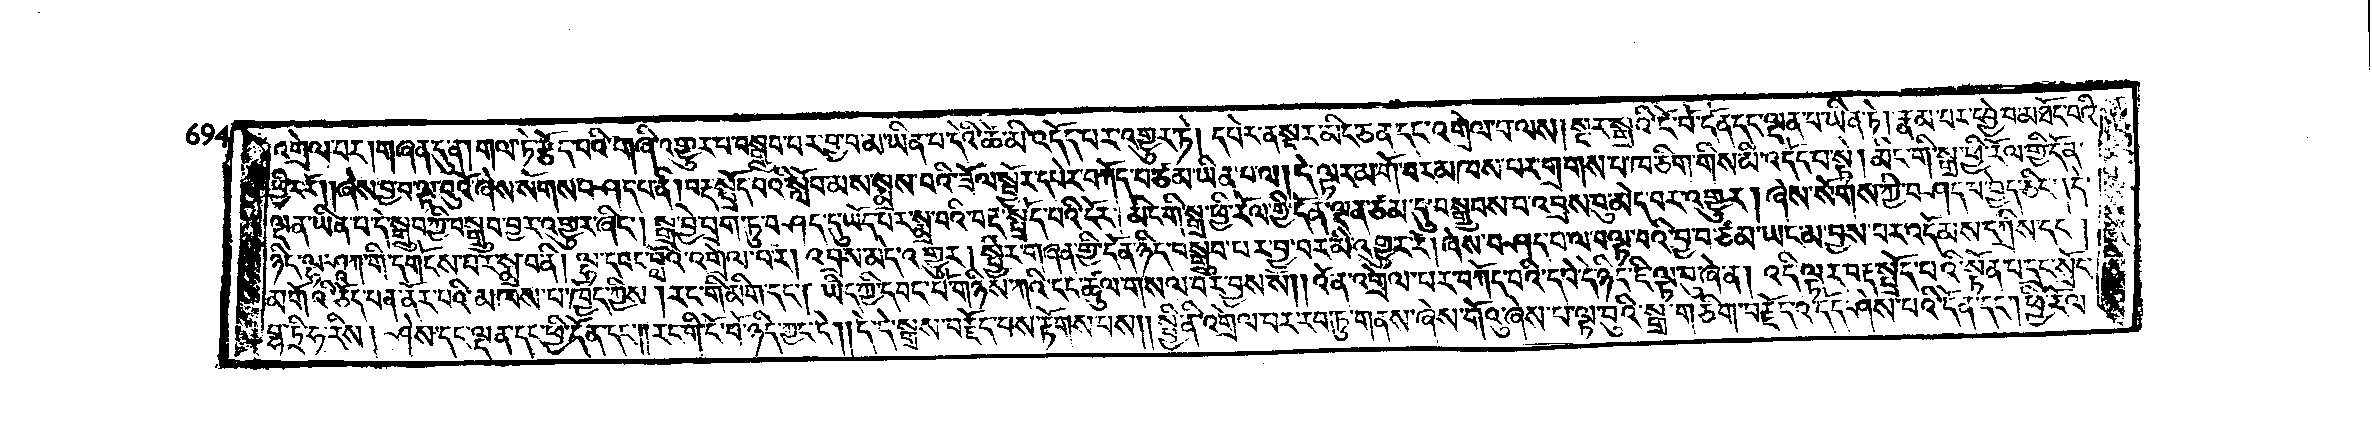འགྲེལ་པར། གཞན་དུ་ན། གལ་ཏེ་རྩོད་པའི་གཞི་འགྱུར་བ་བསྒྲུབ་པར་བྱ་བ་མ་ཡིན་པ་དེའི་ཚེ་མི་འདོད་པར་འགྱུར་ཏེ། དཔེར་ན་སྔར་མིང་ཅན་དང་འགྲེལ་བ་ལས། སྔར་སྒྲའི་ངོ་བོ་དོན་དང་ལྡན་པ་ཡིན་ཏེ། རྣམ་པར་དབྱེ་བ་མཐོང་བའི་
ཕྱིར་རོ། །ཞེས་བྱ་བ་ལྟ་བུའོ་ཞེས་སོགས་བཤད་པ་ནི། བརྡ་སྤྲོད་པའི་སློབ་མས་སྨྲས་པའི་ཟོལ་སྦྱོར་དཔེར་བཀོད་པ་ཙམ་ཡིན་པ་ལ། དེ་ལྟར་མ་གོ་བར་མཁས་པར་གྲགས་པ་ཁ་ཅིག་གིས་མི་འདོད་པ་སྟེ། མིངས་གི་སྒྲ་ཕྱི་རོལ་གྱི་དོན་
ལྡན་ཡིན་པ་དེ་སྒྲུབ་ཀྱི་བསྒྲུབ་བྱར་འགྱུར་ཞིང་། སྒྲ་བྱེ་བྲག་ཏུ་བཤད་དུ་ཡོད་པར་སྨྲ་བའི་བརྡ་སྤྲོད་པའི་དོར། མིང་གི་སྒྲ་ཕྱི་རོལ་གྱི་དོན་ལྡན་ཙམ་དུ་བསྒྲུབས་པ་འབྲས་བུ་མེད་པར་འགྱུར། ཞེས་སོགས་ཀྱི་བཤད་པ་བྱེད་ཅིང་། དེ་
ཉིད་ལྷ་ཤཱཀ་གི་དགོངས་པར་སྨྲ་བ་ནི། ལྷ་དབང་བློའི་འགྲེལ་བར། འབྲས་མེད་འགྱུར། སྤྱིར་གཞན་གྱི་དོན་ཉིད་བསྒྲུབ་པར་བྱ་བར་མི་འགྱུར་རོ། །ཞེས་བཤད་པ་ལ་བལྟ་བའི་བྱ་བ་ཙམ་ཡང་མ་བྱས་པར་འདོམས་དཀྲིས་དང་།
མགོའི་ཅོད་པན་ནོར་བའི་མཁས་པ་ཁྱོད་ཀྱིས། རང་གི་མིག་དང་། ཡིད་ཀྱི་དབང་པོ་གཉིས་ཀའི་ངང་ཚུལ་གསལ་བར་བྱས་སོ། །འོ་ན་འགྲེལ་པར་བཀོད་པའི་དཔེ་དེ་ཉིད་ཇི་ལྟར་བུ་ཞེ་ན། འདི་ལྟར་བརྡ་སྤྲོད་པའི་སྟོན་པ་དྲང་སྲོང་
བྷ་ཏྲི་ཧ་རིས། ཤེས་དང་ལྡན་དང་ཕྱི་དོན་དང་། །རང་གི་ངོ་བོ་ཉིད་ཀྱང་དེ། །དེ་དེ་སྒྲས་བརྗོད་པས་རྟོགས་པས། །སྤྱི་ནི་འགྲེལ་བར་རབ་ཏུ་གནས་ཞེས་གོའུ་ཞེས་པ་ལྟ་བུའི་སྒྲ་གཅིག་བརྗོད་འདོད་ཤེས་པའི་དོན་དང་། ཕྱི་རོལ་